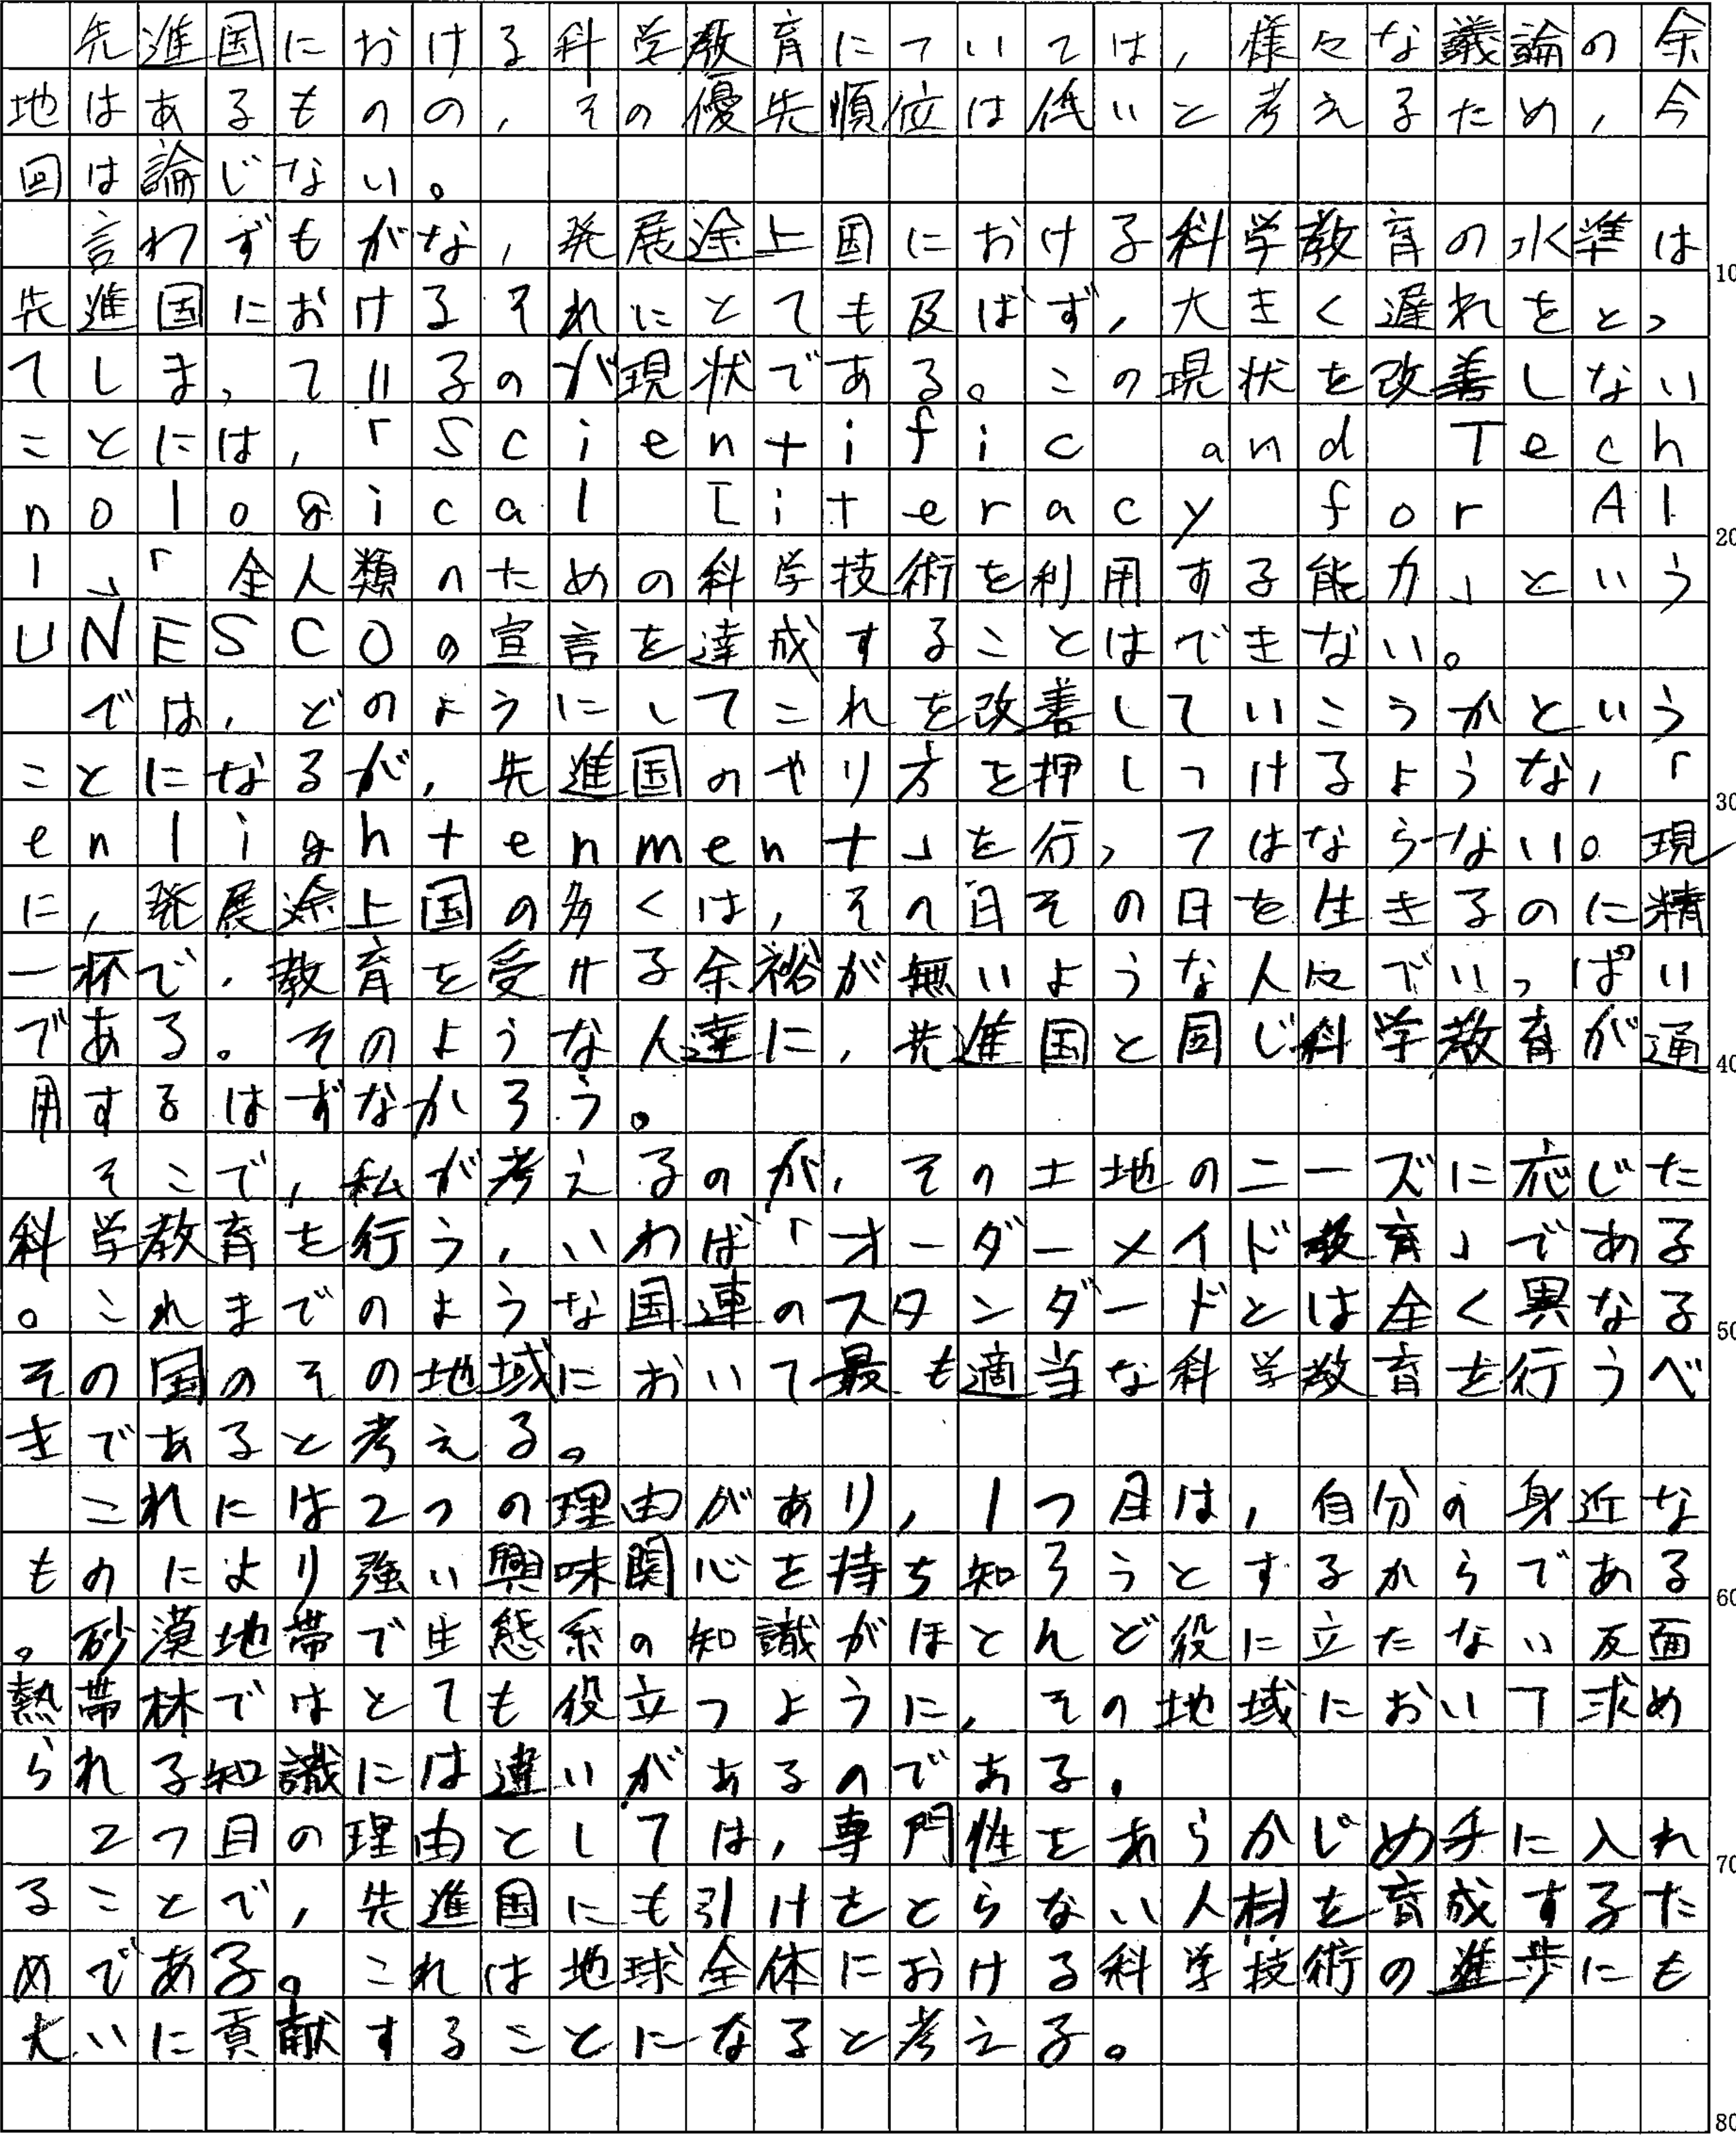　先進国における科学教育については、様々な議論の余地はあるものの、その優先順位は低いと考えるため、今回は論じない。
　言わずもがな、発展途上国における科学教育の水準は先進国におけるそれにとても及ばず、大きく遅れをとってしまっているのが現状である。この現状を改善しないことには、「Ｓｃｉｅｎｔｉｆｉｃ　ａｎｄ　Ｔｅｃｈｎｏｌｏｇｉｃａｌ　Ｌｉｔｅｒａｃｙ　ｆｏｒ　Ａｌｌ」「全人類のための科学技術を利用する能力」というＵＮＥＳＣＯの宣言を達成することはできない。
　では、どのようにしてこれを改善していこうかということになるが、先進国のやり方を押しつけるような、「ｅｎｌｉｇｈｔｅｎｍｅｎｔ」を行ってはならない。現に、発展途上国の多くは、その日その日を生きるのに精一杯で、教育を受ける余裕が無いような人々でいっぱいである。そのような人達に、先進国と同じ科学教育が通用するはずなかろう。
　そこで、私が考えるのが、その土地のニーズに応じた科学教育を行う、いわば「オーダーメイド教育」である。これまでのような国連のスタンダードとは全く異なるその国のその地域において最も適当な科学教育を行うべきであると考える。
　これには２つの理由があり、１つ目は、自分の身近なものにより強い興味関心を持ち知ろうとするからである。砂漠地帯で生態系の知識がほとんど役に立たない反面熱帯林ではとても役立つように、その地域において求められる知識には違いがあるのである。
　２つ目の理由としては、専門性をあらかじめ手に入れることで、先進国にも引けをとらない人材を育成するためである。これは地球全体における科学技術の進歩にも大いに貢献することになると考える。
